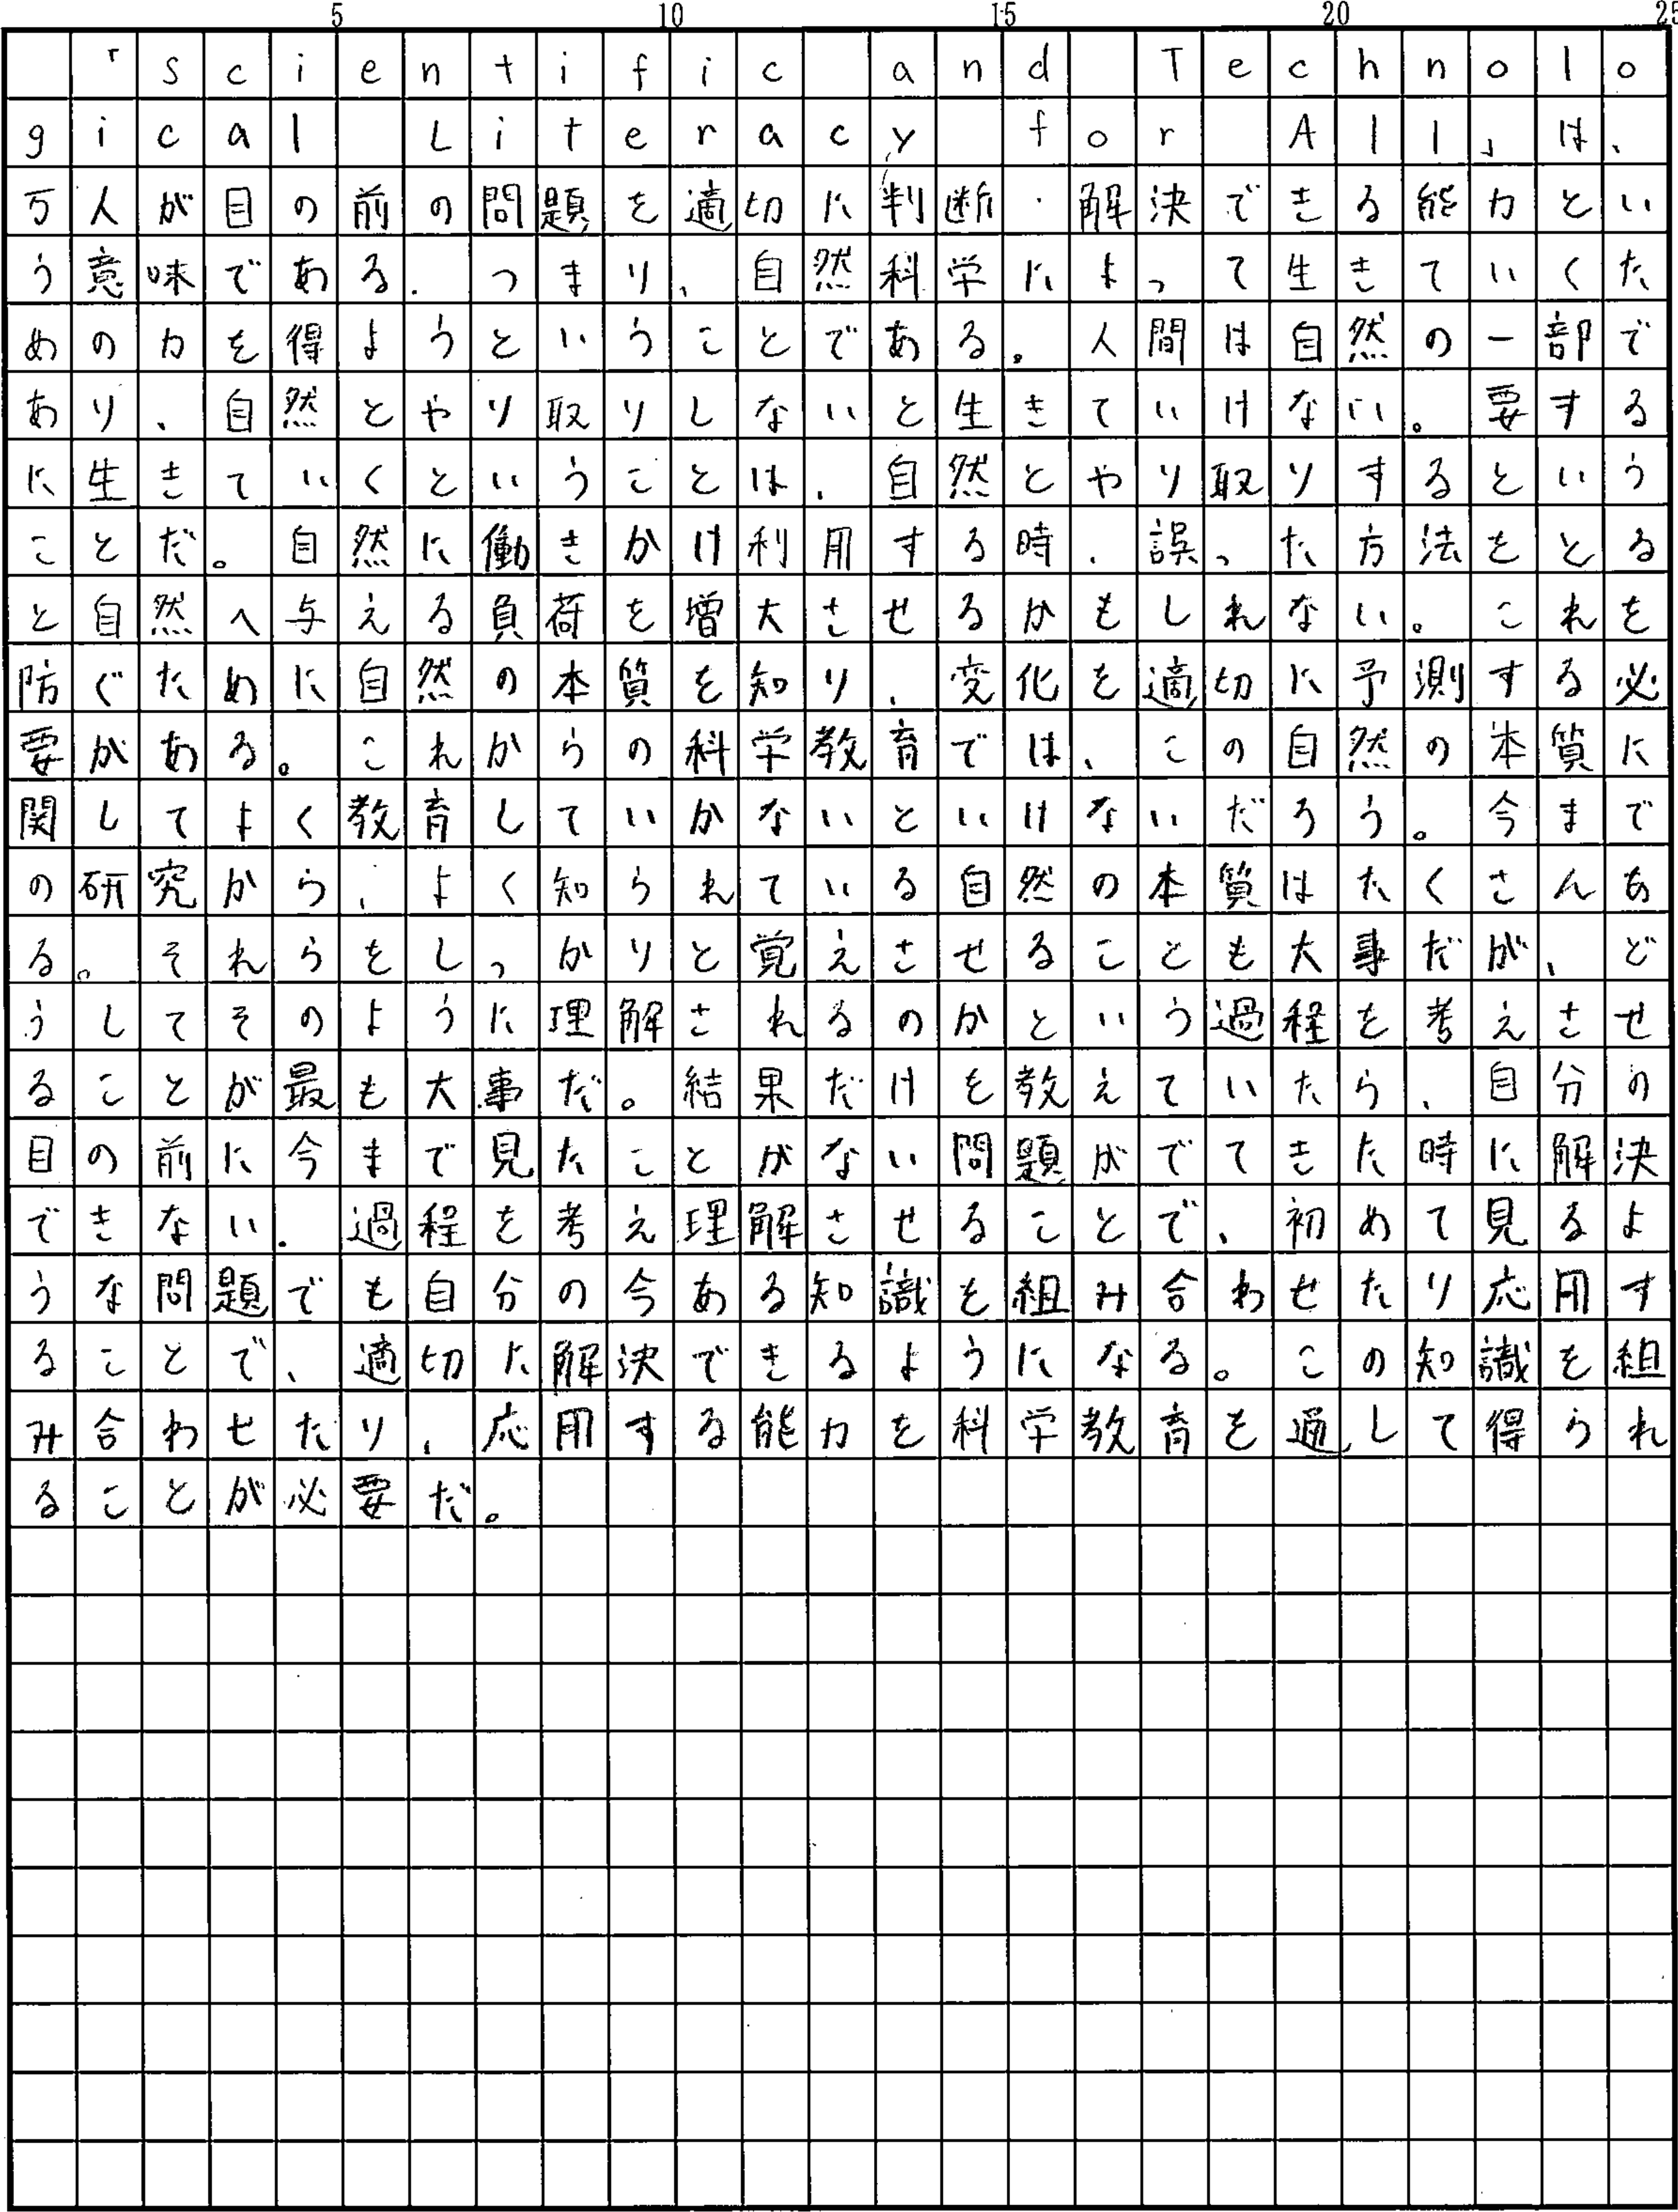　「Ｓｃｉｅｎｔｉｆｉｃ　ａｎｄ　Ｔｅｃｈｎｏｌｏｇｉｃａｌ　Ｌｉｔｅｒａｃｙ　ｆｏｒ　Ａｌｌ」は、万人が目の前の問題を適切に判断・解決できる能力という意味である。つまり、自然科学によって生きていくための力を得ようということである。人間は自然の一部であり、自然とやり取りしないと生きていけない。要するに生きていくということは、自然とやり取りするということだ。自然に働きかけ利用する時、誤った方法をとると自然へ与える負荷を増大させるかもしれない。これを防ぐために自然の本質を知り、変化を適切に予測する必要がある。これからの科学教育では、この自然の本質に関してよく教育していかないといけないだろう。今までの研究から、よく知られている自然の本質はたくさんある。それらをしっかりと覚えさせることも大事だが、どうしてそのように理解されるのかという過程を考えさせることがもっとも大事だ。結果だけを教えていたら、自分の目の前に今まで見たことがない問題がでてきた時に解決できない。過程を考え理解させることで、初めて見るような問題でも自分の今ある知識を組み合わせたり応用することで、適切に解決できるようになる。この知識を組み合わせたり、応用する能力を科学教育を通して得られることが必要だ。
